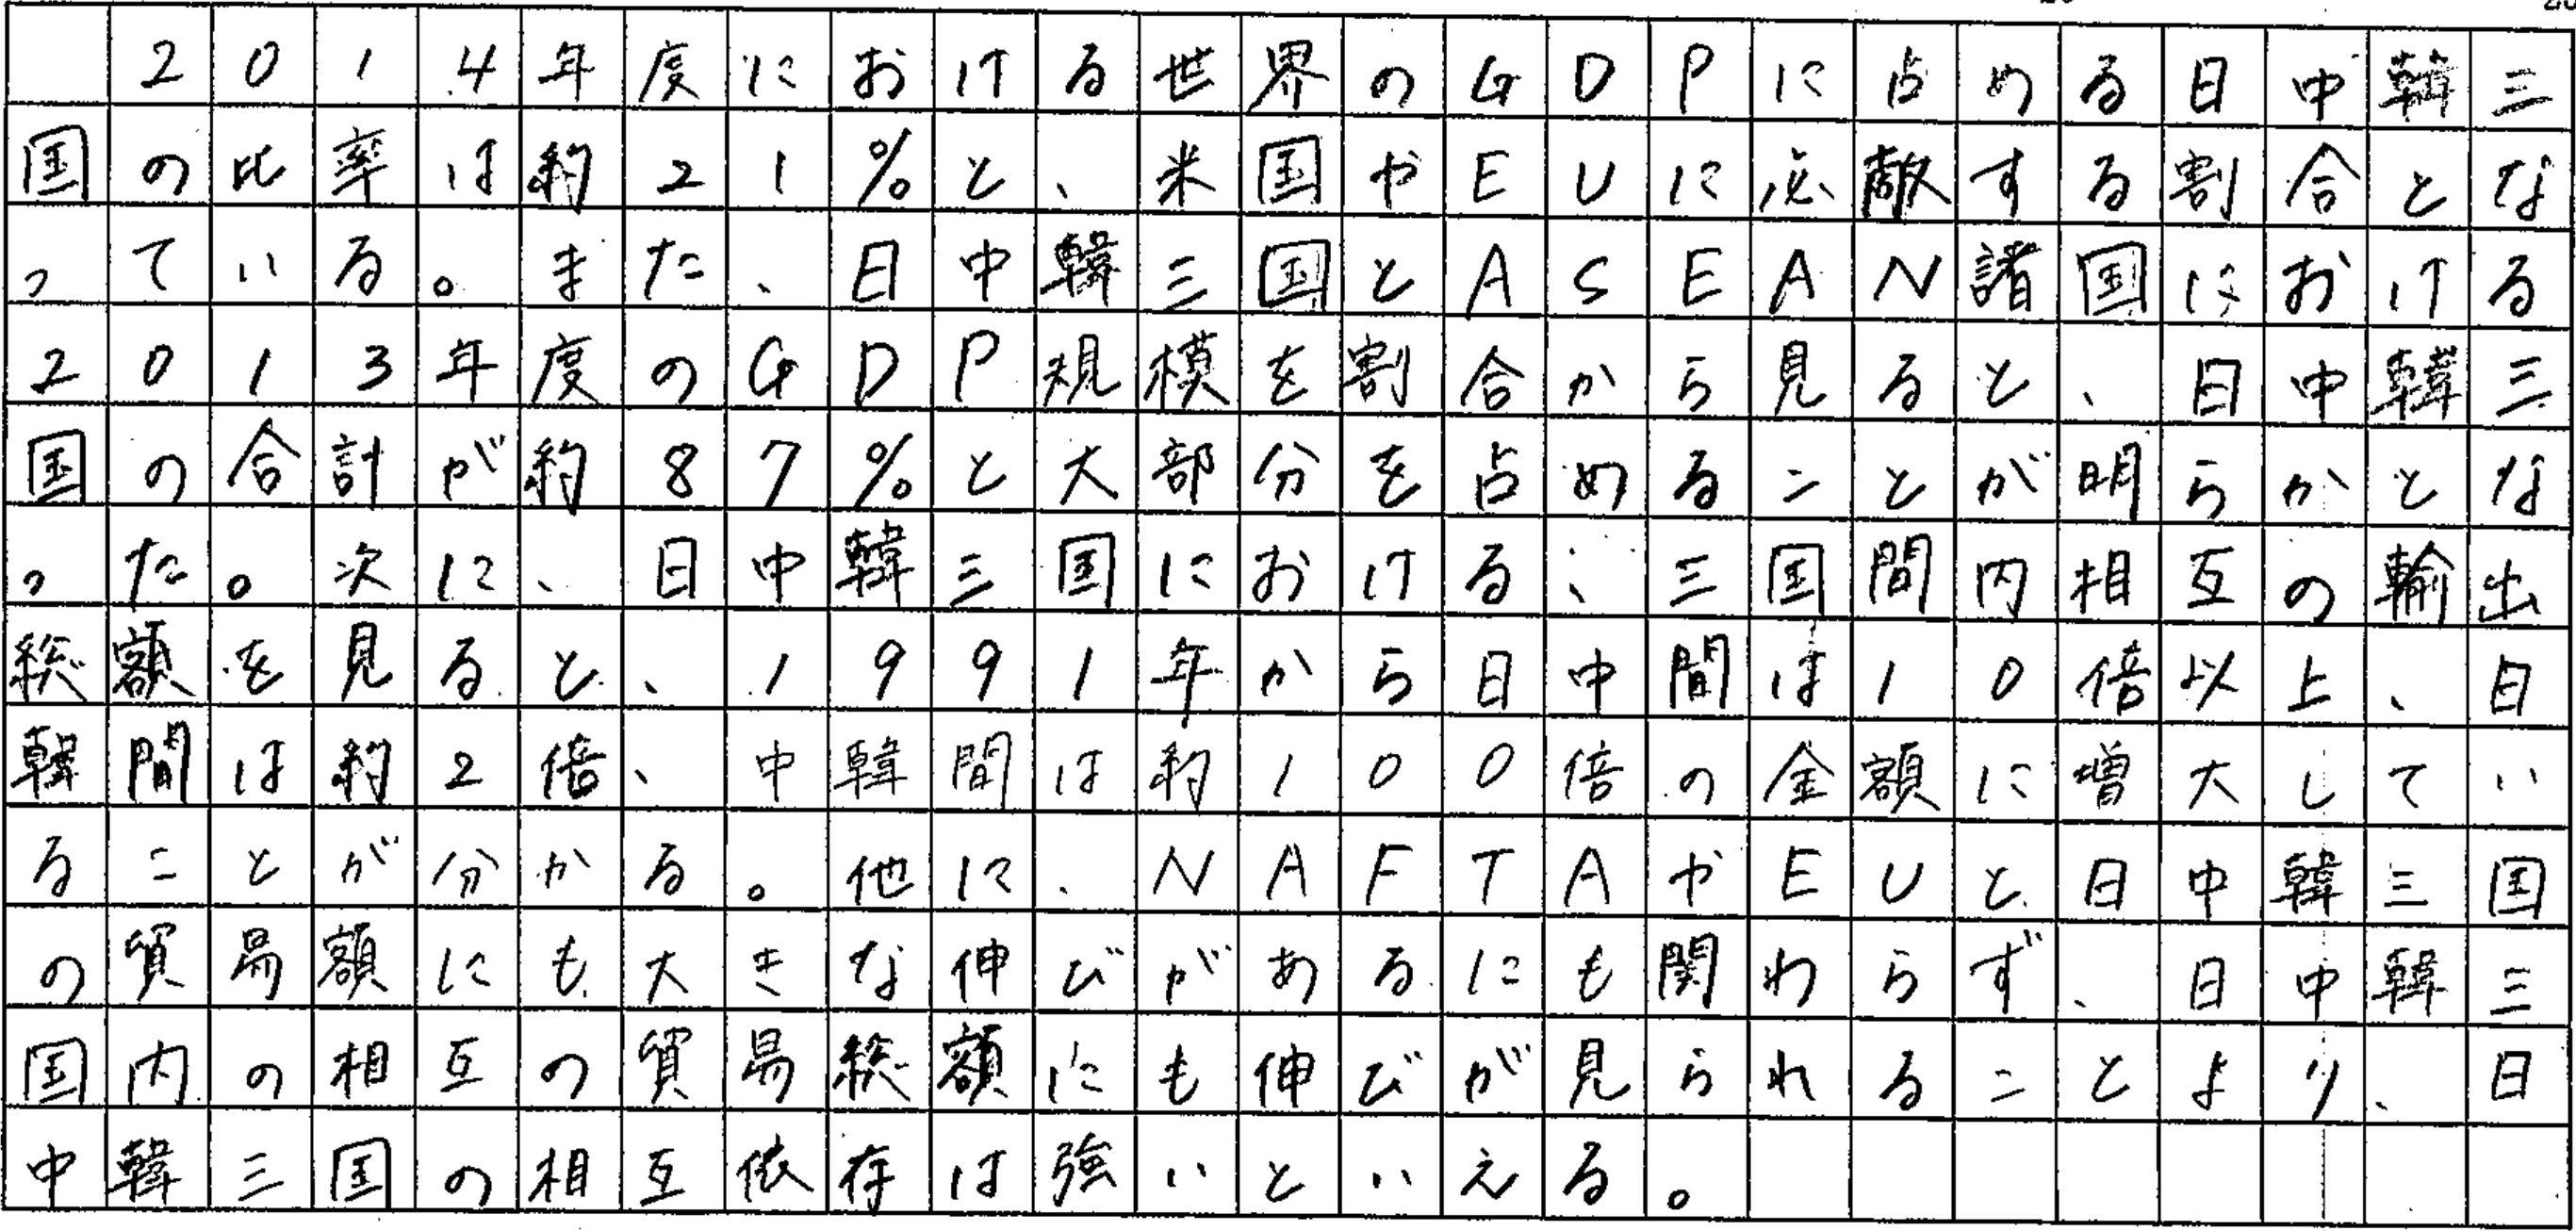　２０１４年度における世界のＧＤＰに占める日中韓三国の比率は約２１％と、米国やＥＵに必敵する割合となっている。また、日中韓三国とＡＳＥＡＮ諸国における２０１３年度のＧＤＰ規模を割合から見ると、日中韓三国の合計が約８７％と大部分を占めることが明らかとなった。次に、日中韓三国における、三国間内相互の輸出総額を見ると、１９９１年から日中間は１０倍以上、日韓間は約２倍、中韓間は約１００倍の金額に増大していることが分かる。他に、ＮＡＦＴＡやＥＵと日中韓三国の貿易額にも大きな伸びがあるにも関わらず、日中韓三国内の相互の貿易総額にも伸びが見られることより、日中韓三国の相互依存は強いといえる。
